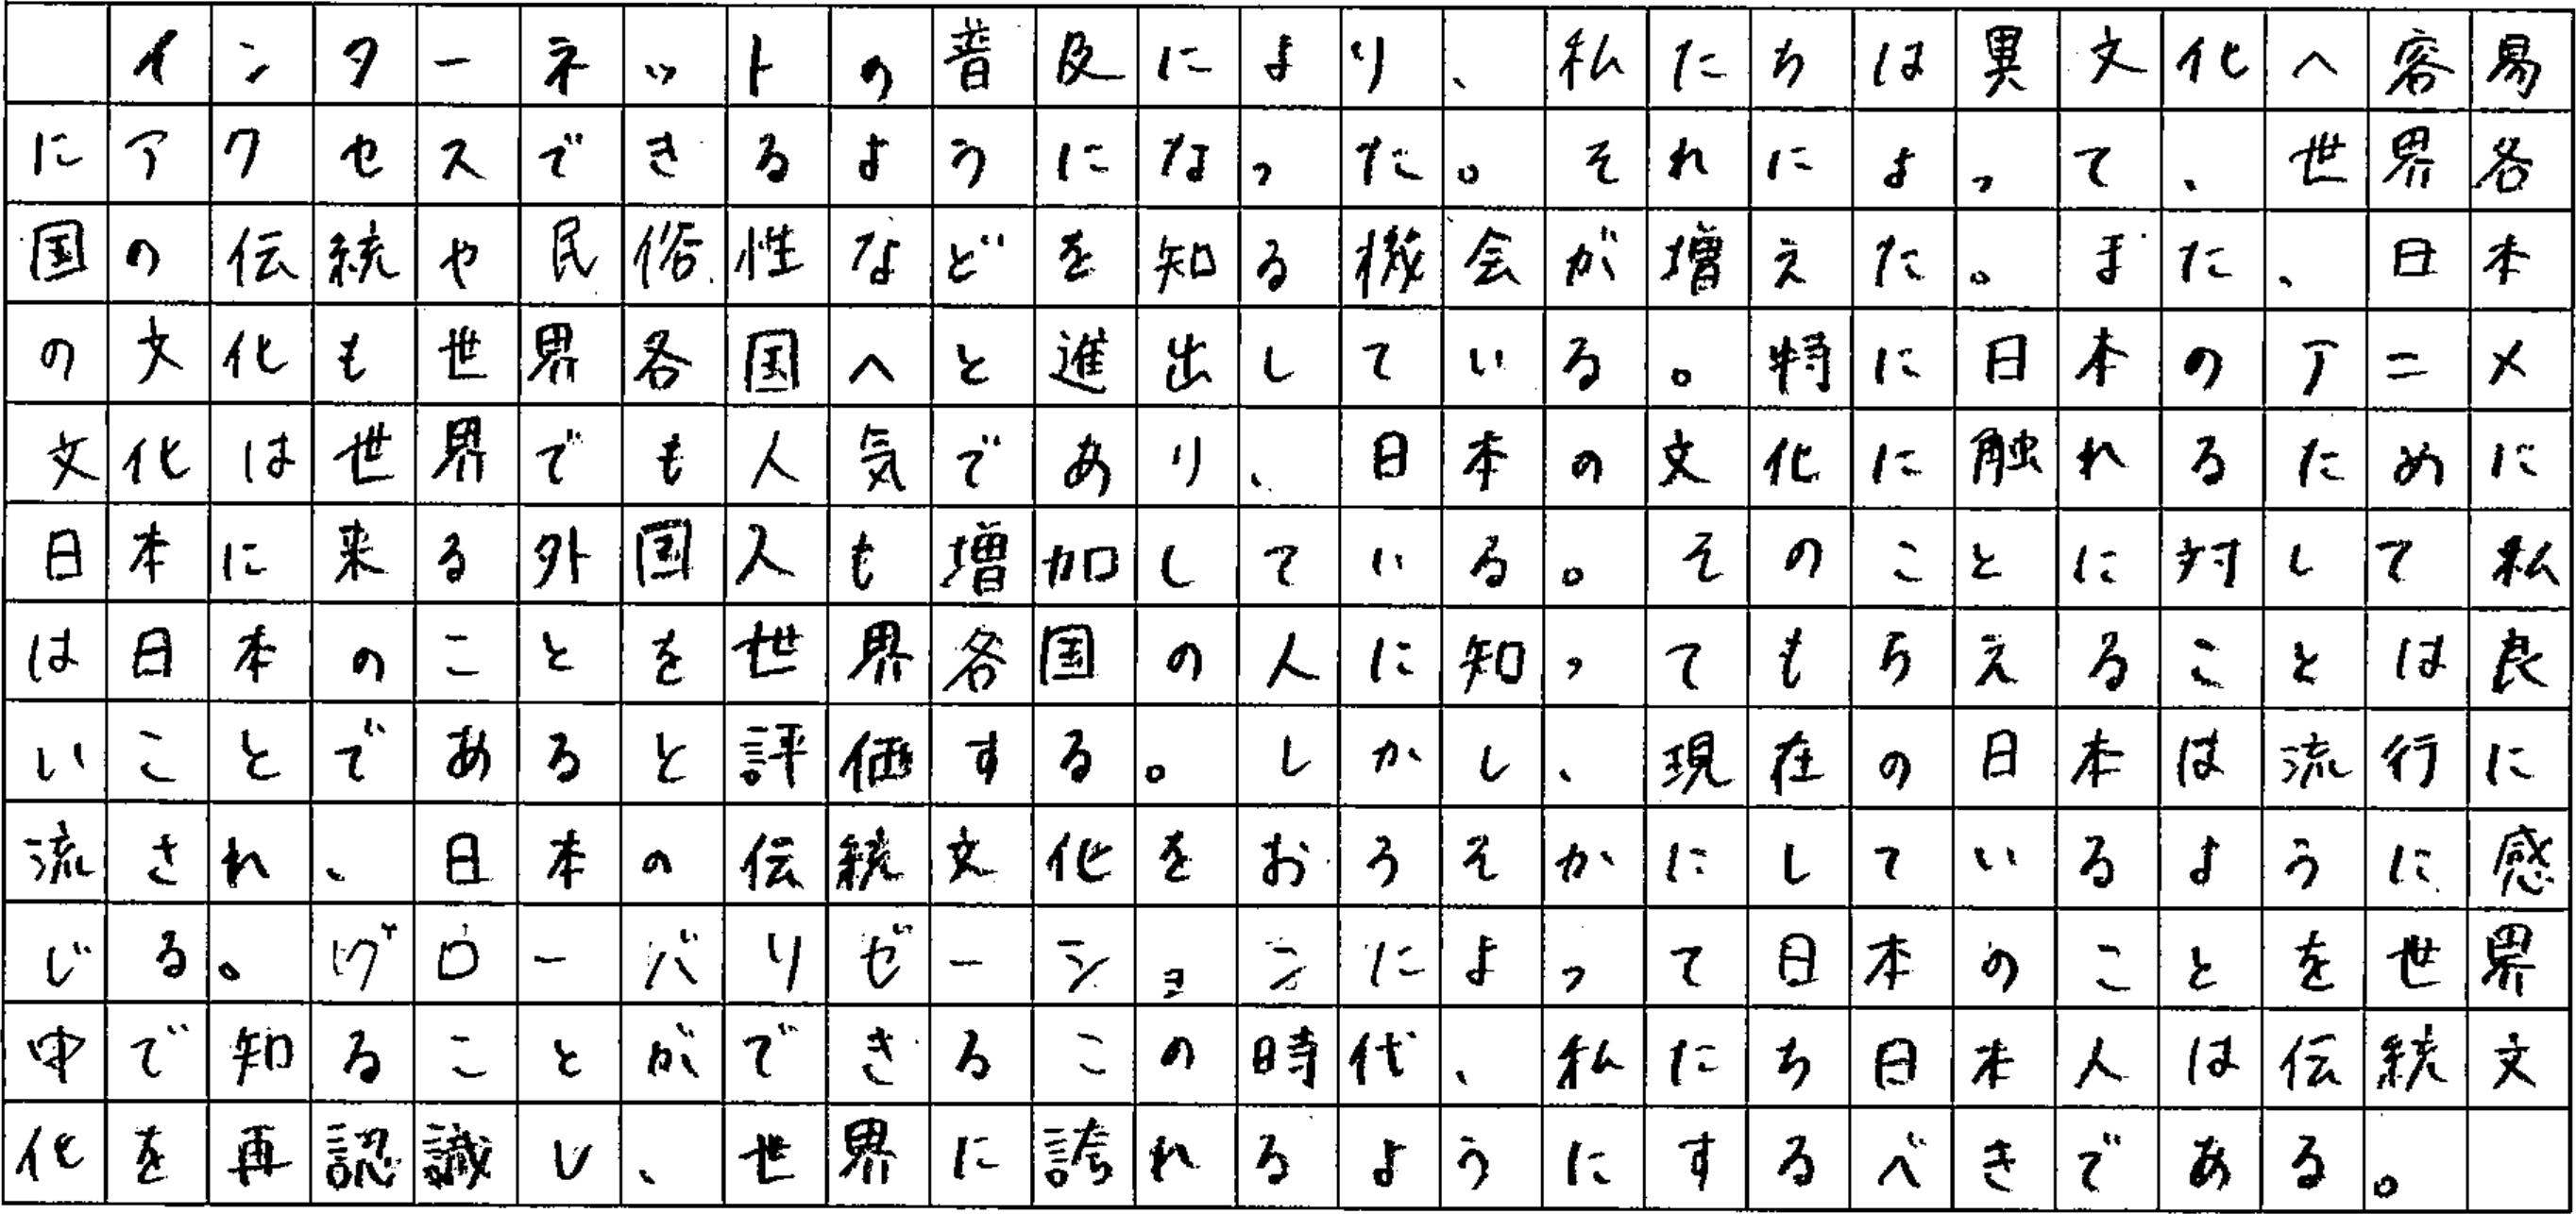　インターネットの普及により、私たちは異文化へ容易にアクセスできるようになった。それによって、世界各国の伝統や民俗性などを知る機会が増えた。また、日本の文化も世界各国へと進出している。特に日本のアニメ文化は世界でも人気であり、日本の文化に触れるために日本に来る外国人も増加している。そのことに対して私は日本のことを世界各国の人に知ってもらえることは良いことであると評価する。しかし、現在の日本は流行に流され、日本の伝統文化をおろそかにしているように感じる。グローバリゼーションによって日本のことを世界中で知ることができるこの時代、私たち日本人は伝統文化を再認識し、世界に誇れるようにするべきである。
